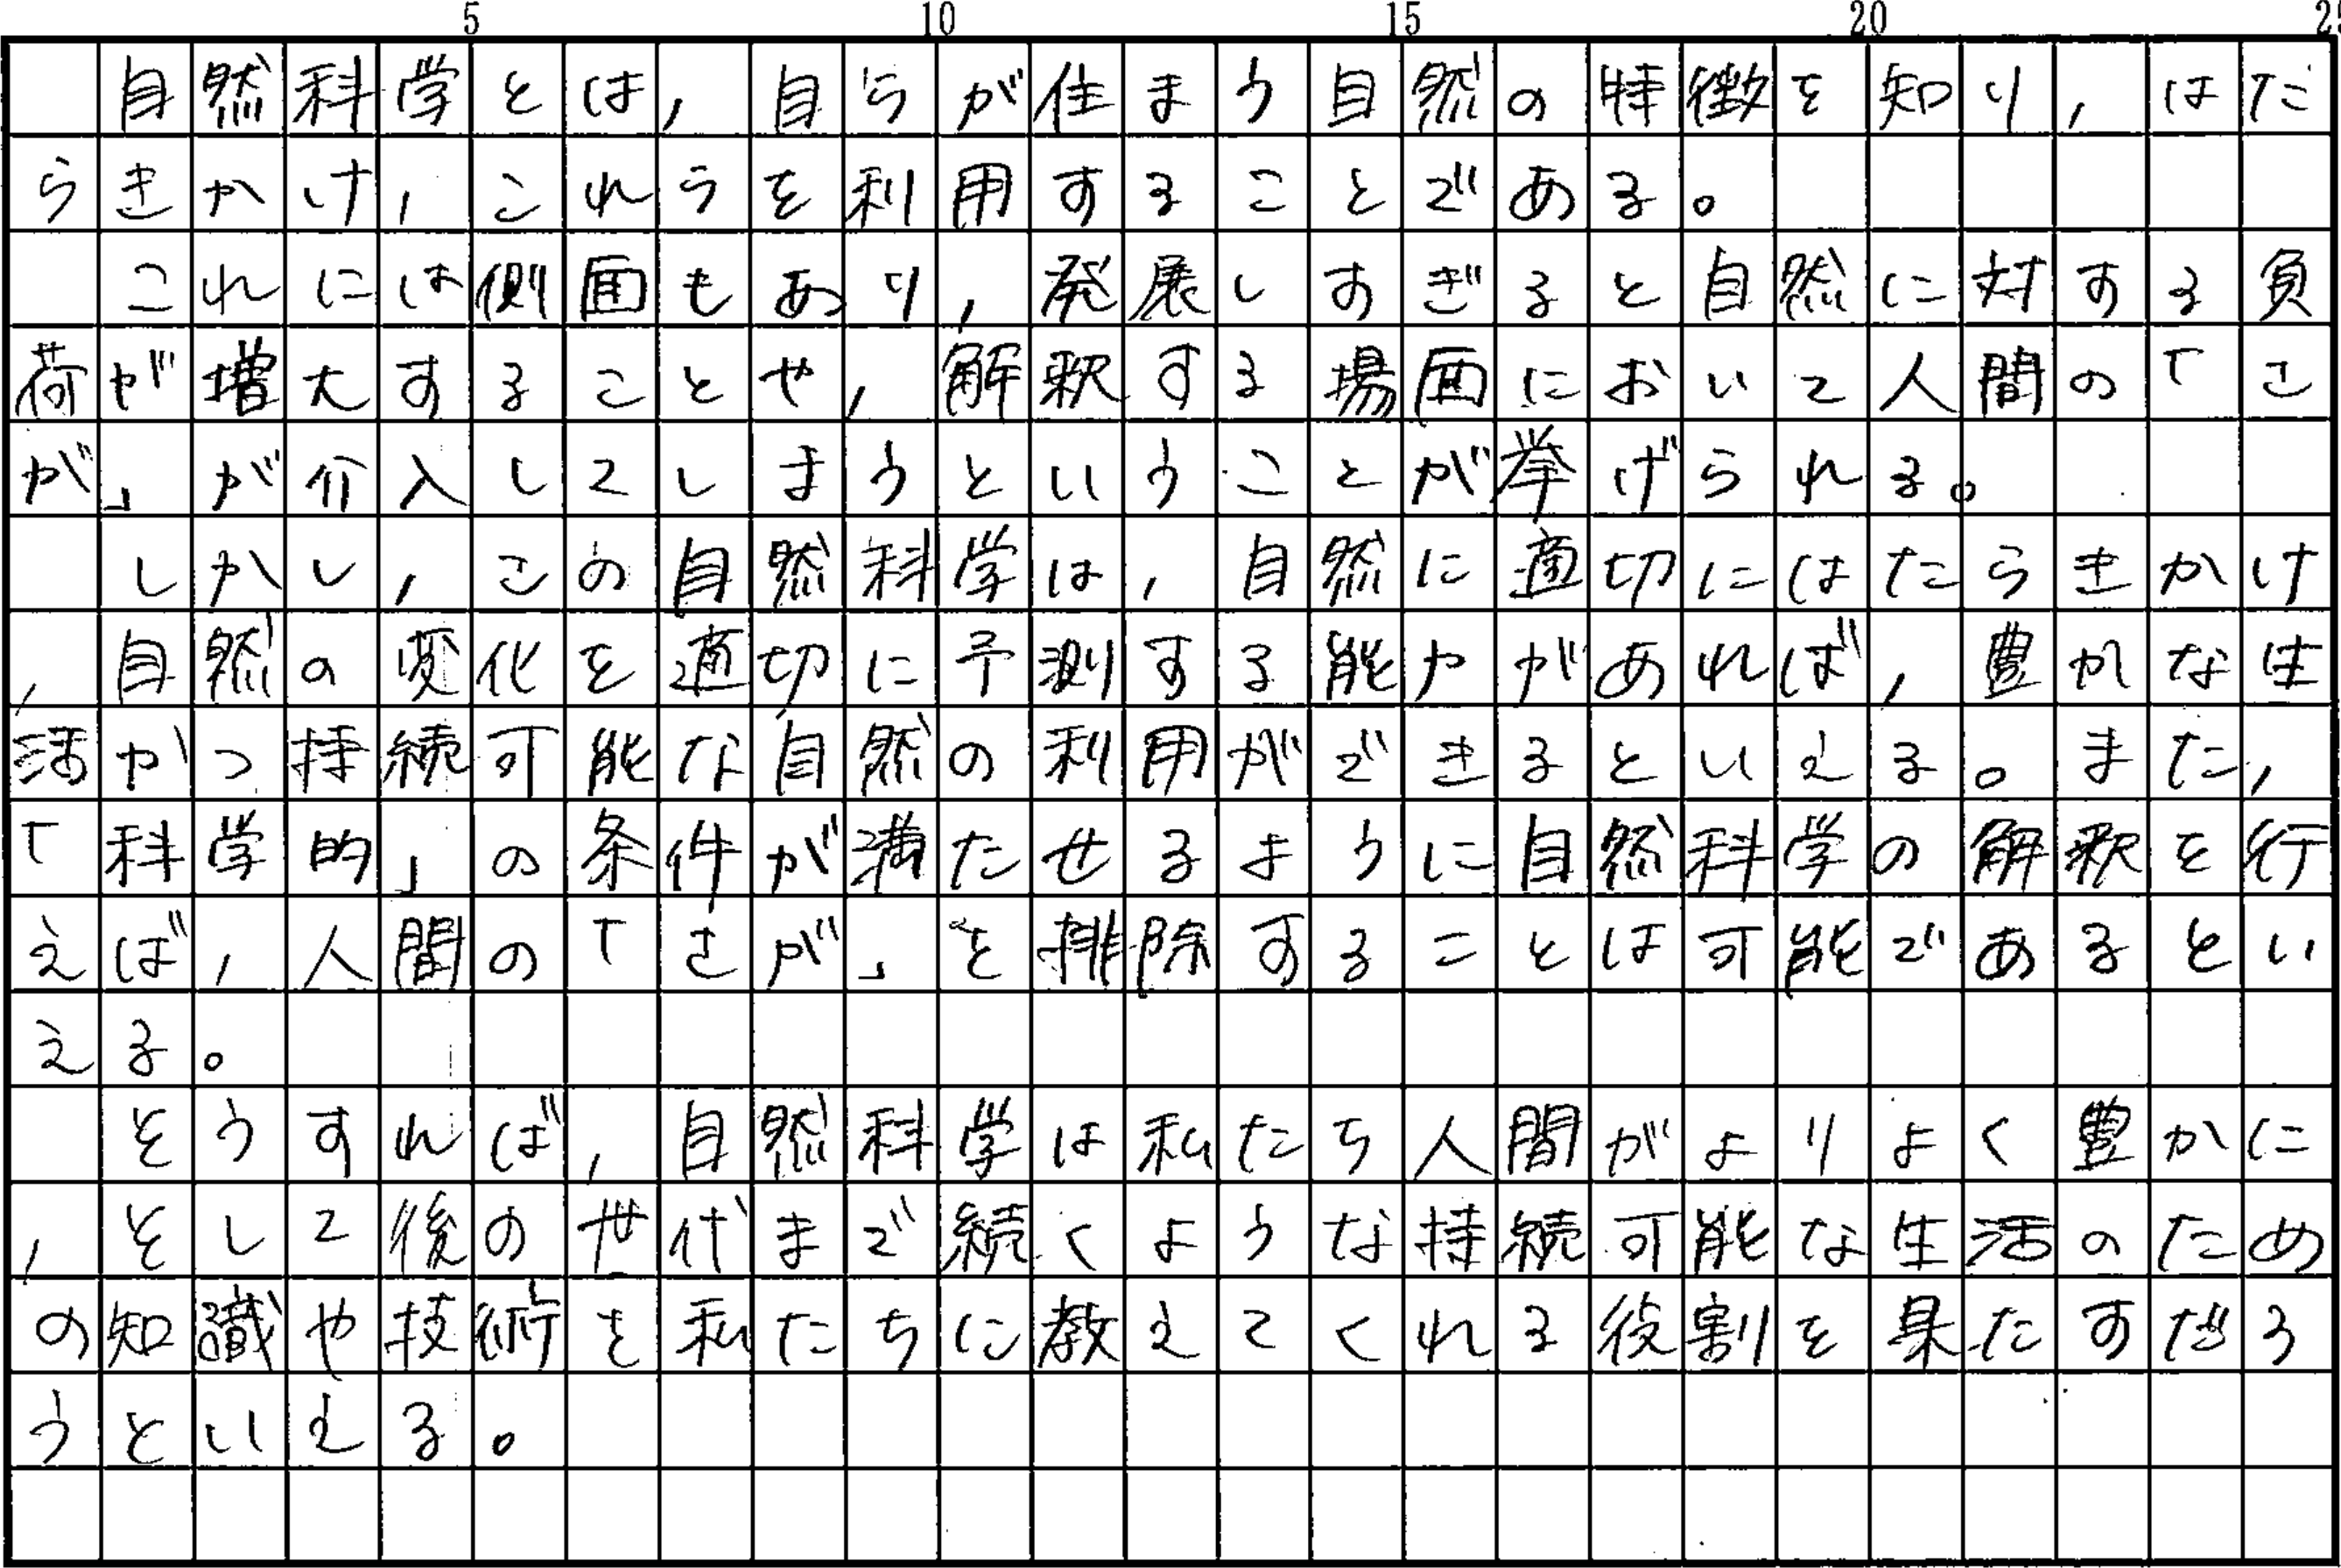　自然科学とは、自らが住まう自然の特徴を知り、はたらきかけ、これらを利用することである。
　これには側面もあり、発▁しすぎると自然に対する負荷が増大することや、解釈する場面において人間の「さが」が介入してしまうということが挙げられる。
　しかし、この自然科学は、自然に適切にはたらきかけ、自然の変化を適切に予測する能力があれば、豊かな生活かつ持続可能な自然の利用ができるといえる。また、「科学的」の条件が満たせるように自然科学の解釈を行えば、人間の「さが」を排除することは可能であるといえる。
　そうすれば、自然科学は私たち人間がよりよく豊かに、そして後の世代まで続くような持続可能な生活のための知識や技術を私たちに教えてくれる役割を果たすだろうといえる。
